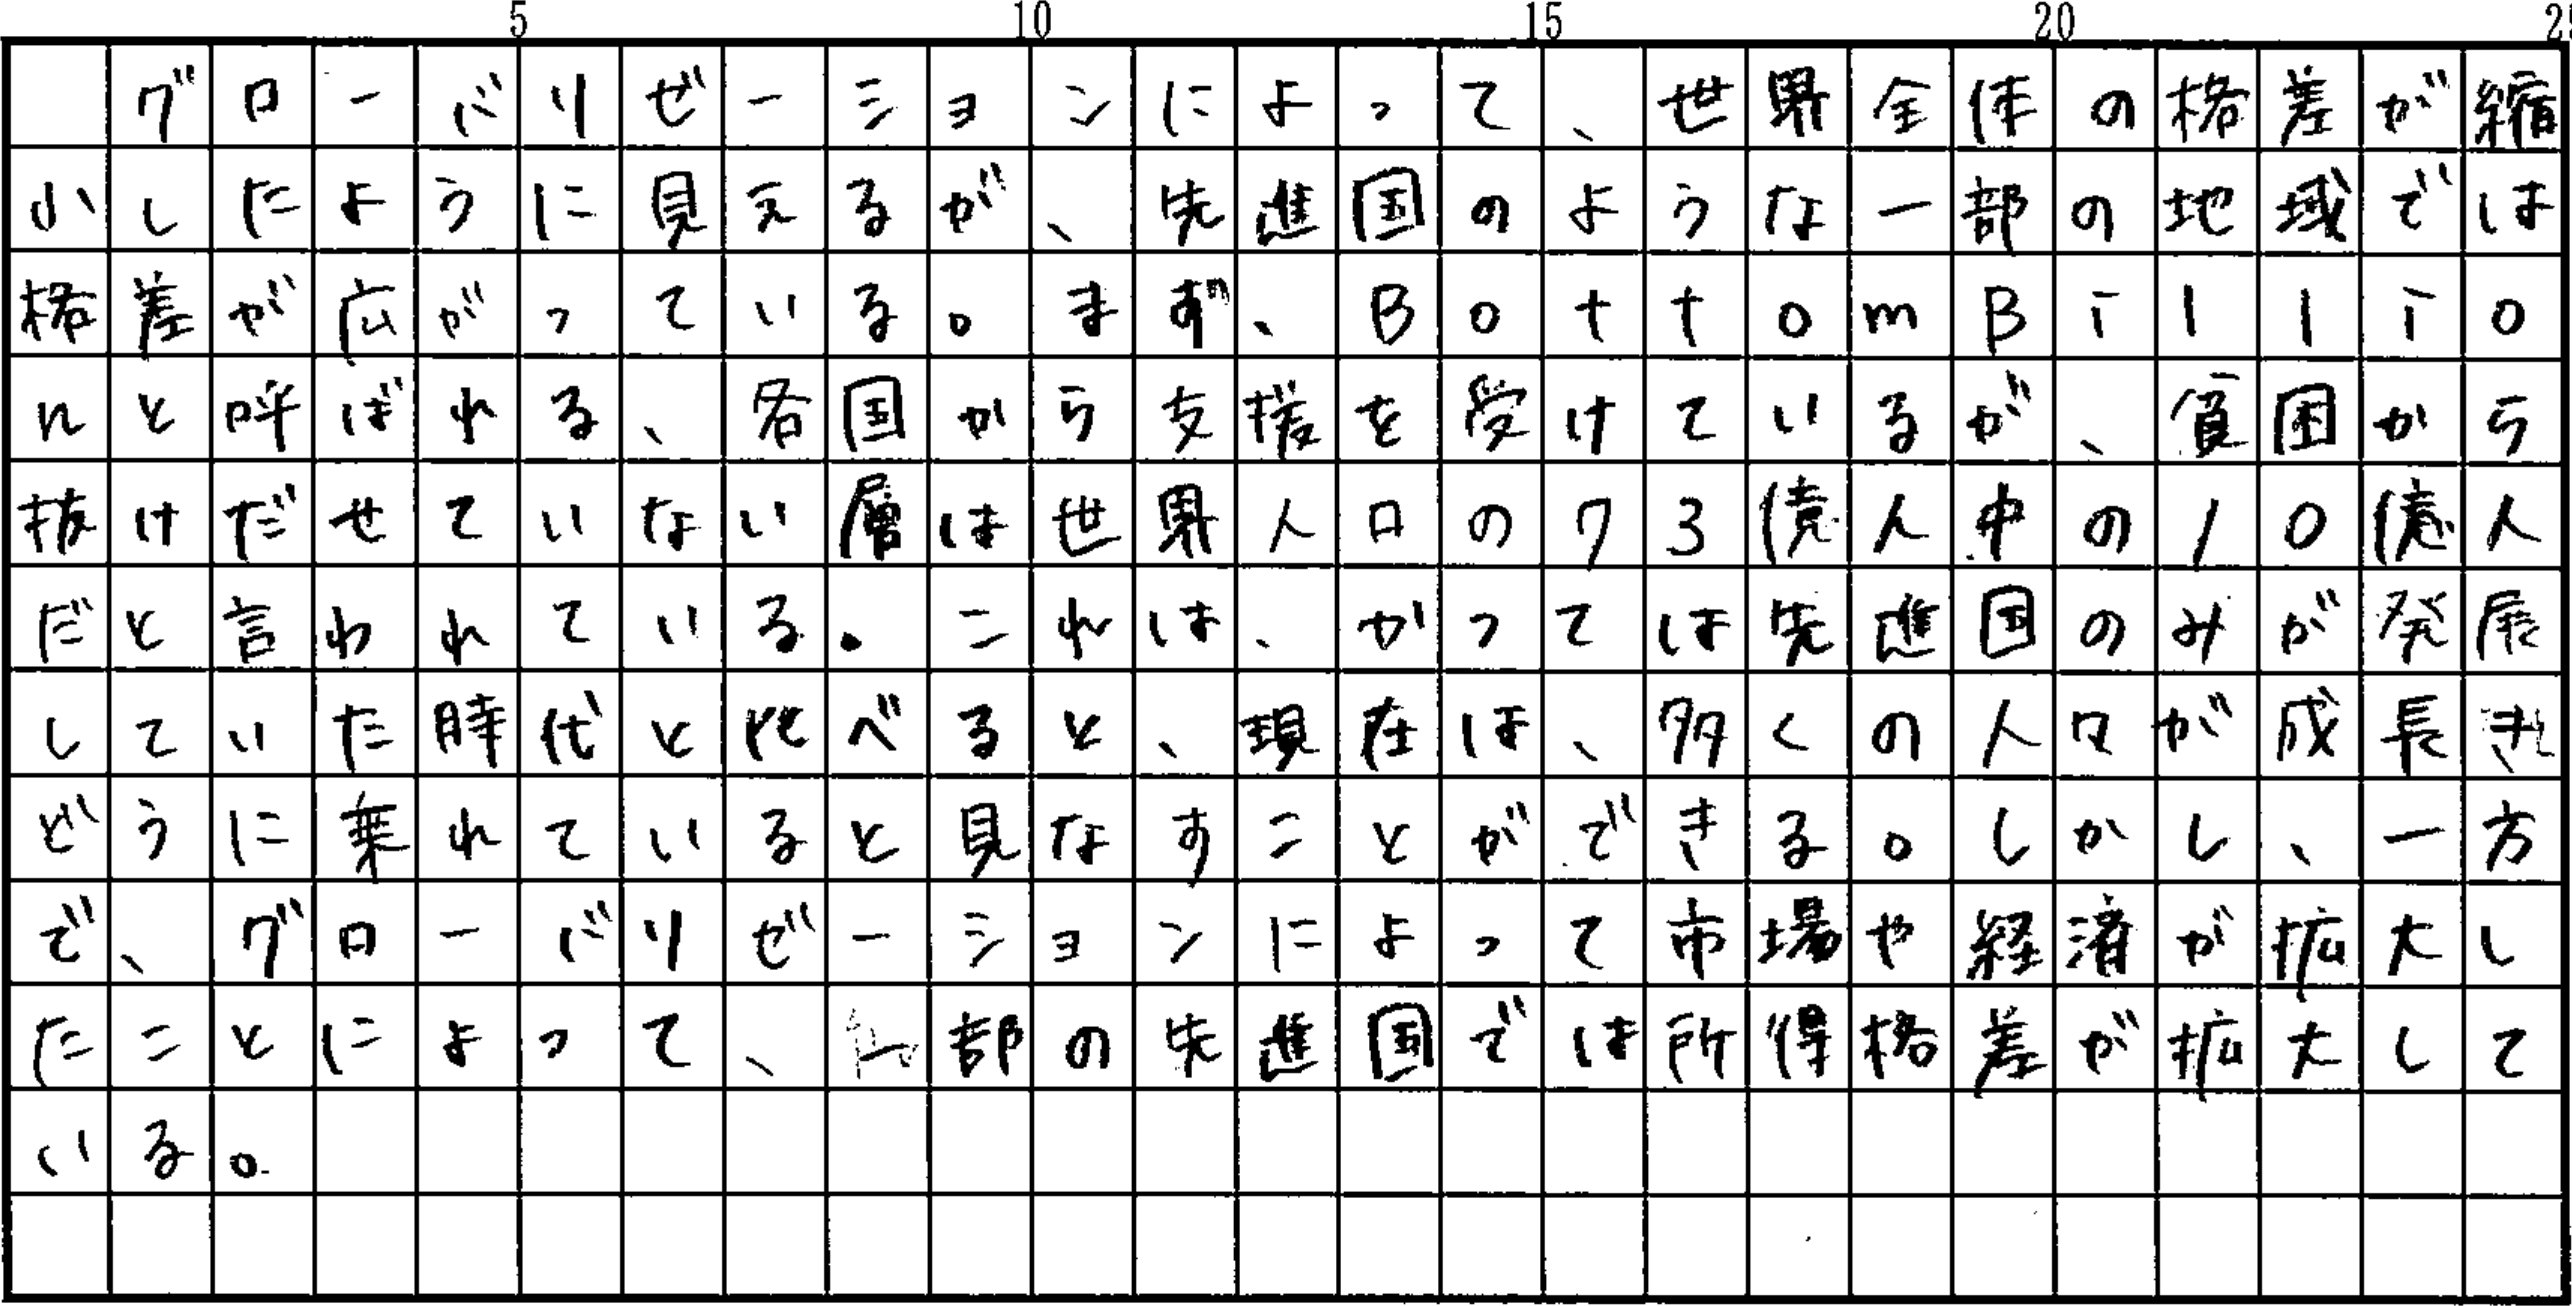　グローバリゼーションによって、世界全体の格差が縮小したように見えるが、先進国のような一部の地域では格差が広がっている。まず、ＢｏｔｔｏｍＢｉｌｌｉｏｎと呼ばれる、各国から支▁を受けているが、貧困から抜けだせていない層は世界人口の７３億人中の１０億人だと言われている。これは、かつては先進国のみが発展していた時代と比べると、現在は、多くの人々が成長きどうに乗れていると見なすことができる。しかし、一方で、グローバリゼーションによって市場や経済が拡大したことによって、一部の先進国では所得格差が拡大している。
